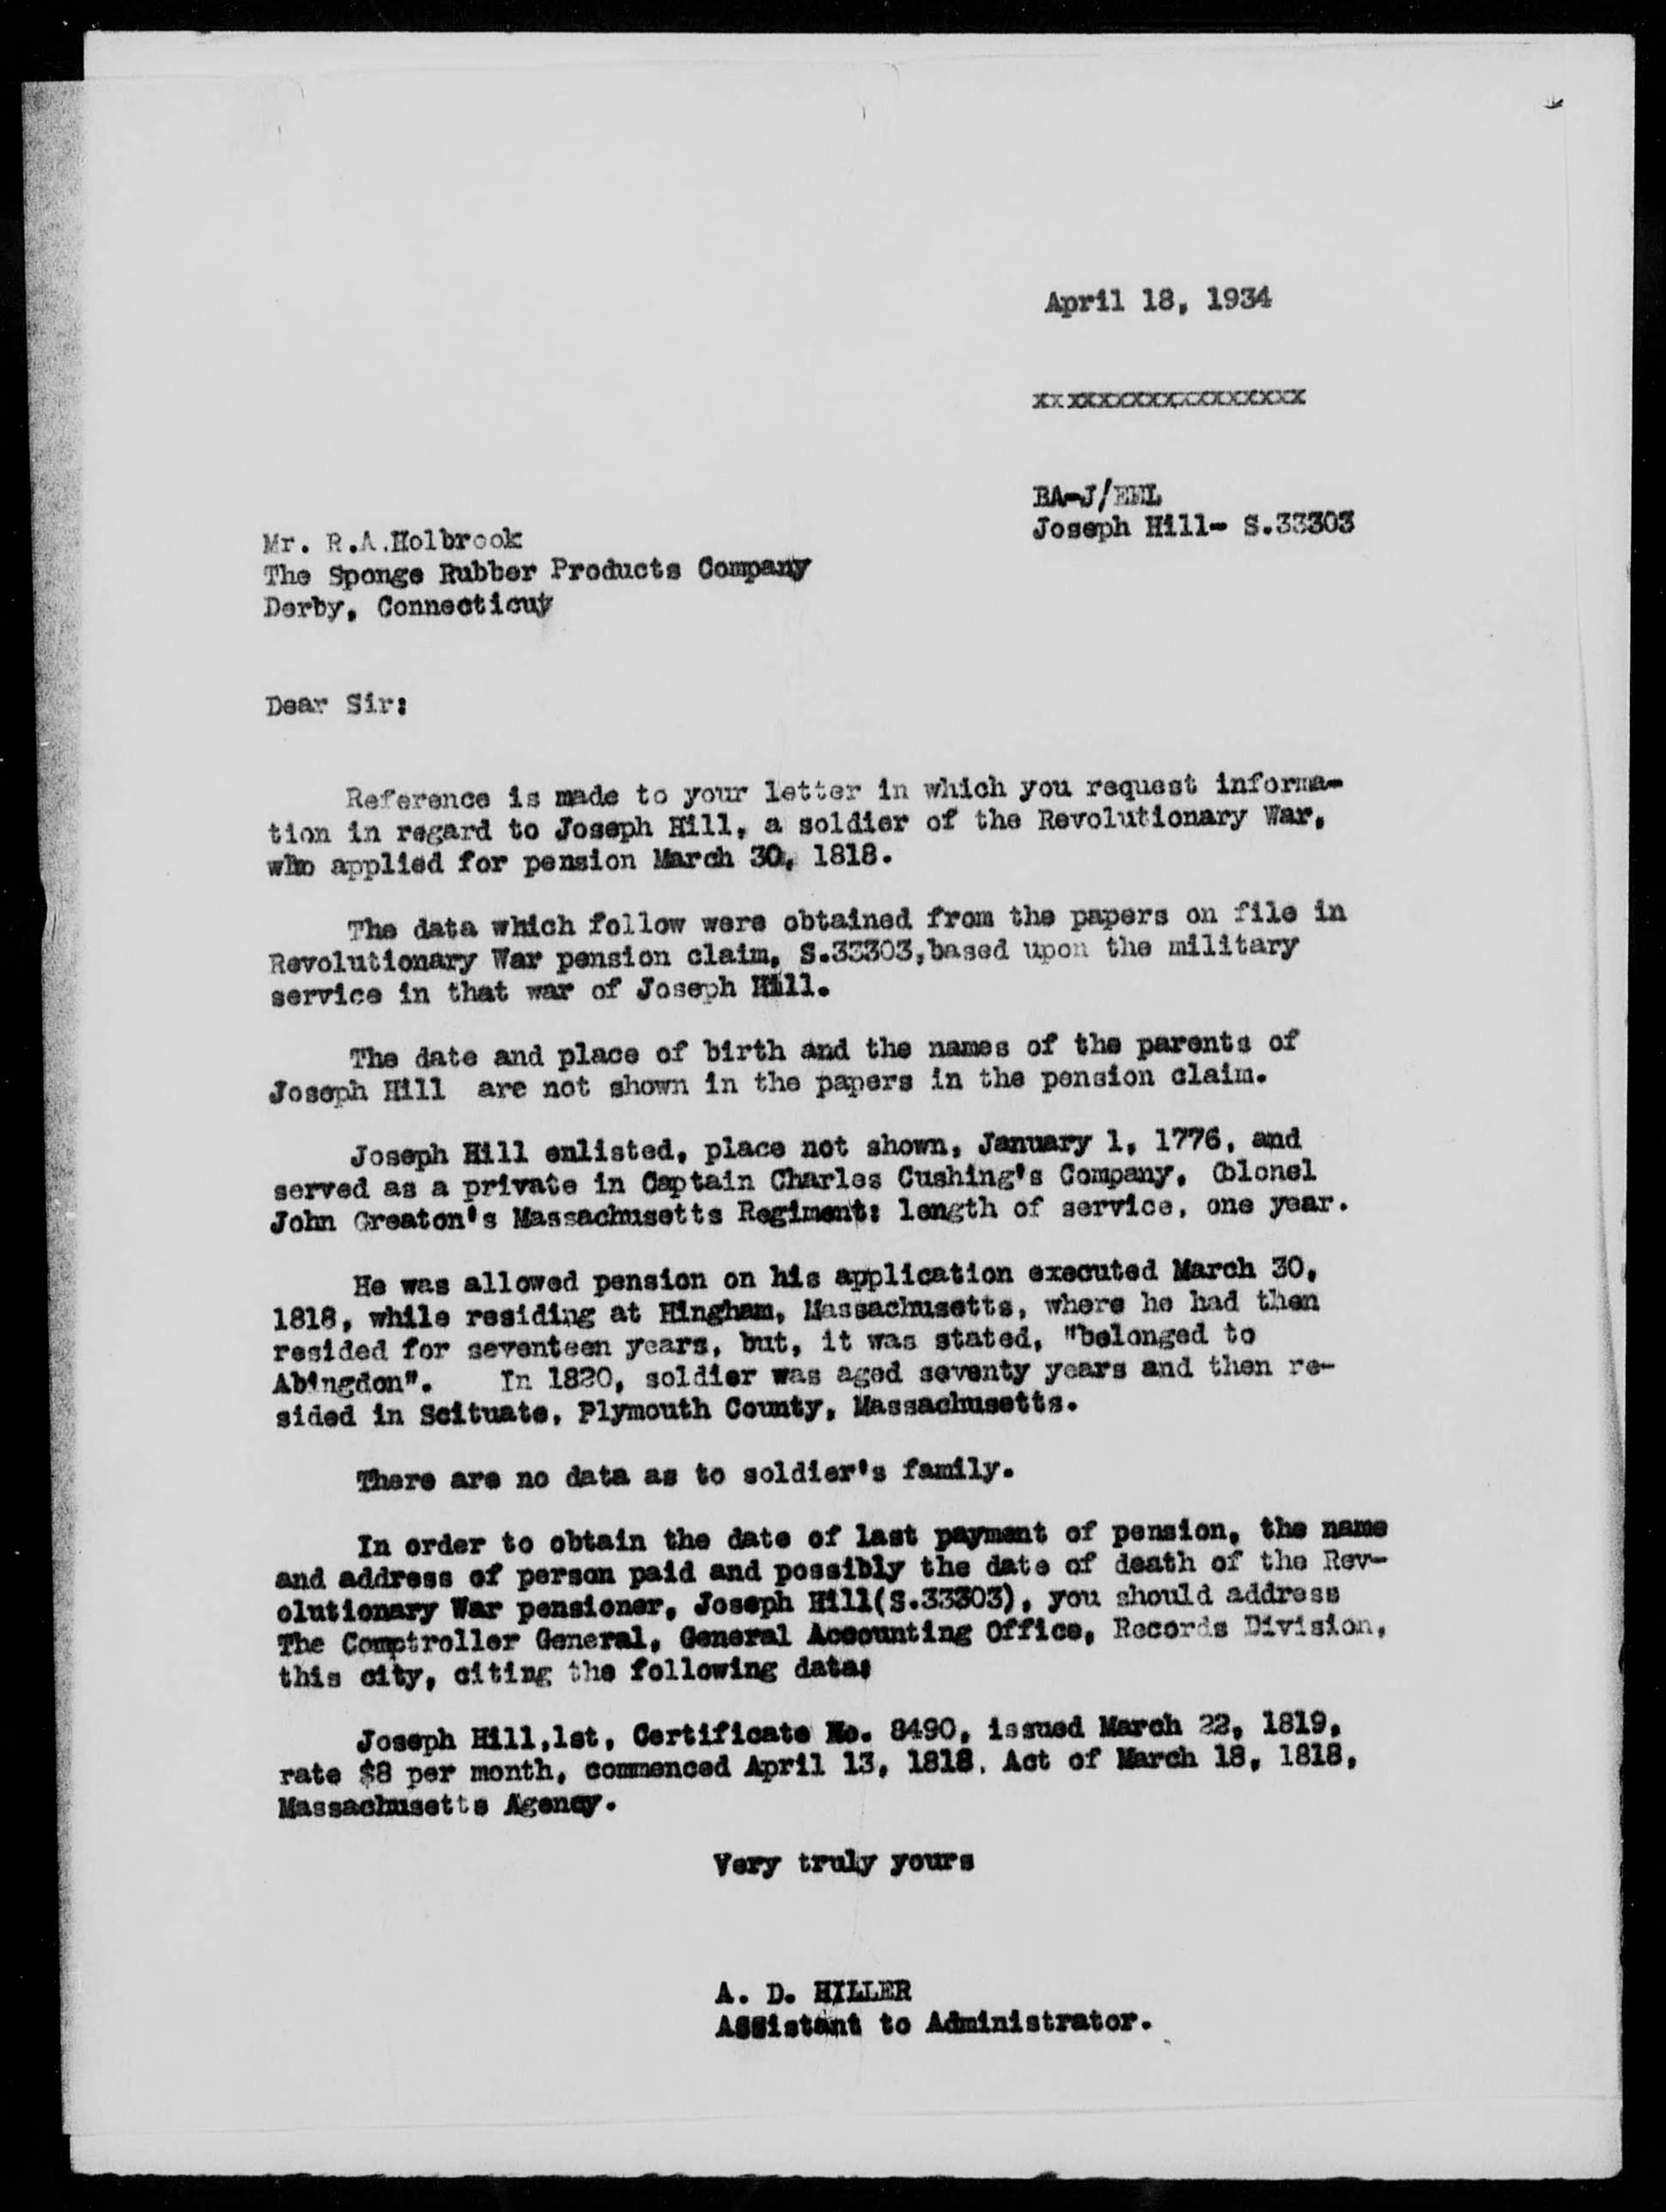RA-J/EEL, 
Joseph Hill - S.33303

Mr. R. A. Holbrook
The Sponge Rubber Products Company
Derby Connecticut

Dear Sir:

Reference is made to your letter in which you request information in regard to Joseph Hilll, a soldier of the Revolutionary War, who applied for pension March 30, 1818

The data which follow were obtained from the papers on file in Revolutionary War pension claim, S-33303 based upon the military service in that war of Joseph Hill.

The date and place of birth and the names of the parents of Joseph Hill are not shown in the papers in the pension claim

Joseph Hill enlisted, place not shown, January 1, 1776 and served as a private in Captain Charles Cushing's Company, Colonel John Greaton s Massachusetts Regiment: length of service, one year,


He was allowed pension on his application executed March 30,1818, while residing at Hingham Massachusetts, where he had then resided for seventeen years, but, it was stated, :belonged to Abingdon." In 1820 soldier was aged seventy years and then resided in Seituate, Plymouth County, Massachusetts.

There are no data as to soldier's family

In order to obtain the date of last payment of pension the name and address of person paid and possibly the date of death of their Revolutionary War pensioner, Joseph Hill (S.33303) you should address the Comptroller General General Accounting Office, Records Division, this city, citing the following data

Joseph Hill, 1st Certificate No. 8490, issued March 22, 1819, rate $8 per month, commenced April 13, 1818, Act of March 18,1818, Massachusetts Agency

Very truly yours

A.D/ Hiller
Assistant to Administrator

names: Joseph Hill, Joseph Hill, Joseph Hill, Joseph Hill, Joseph Hill, Joseph Hill, A D Hiller, R A Holbrook, Joseph Hill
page: 7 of 14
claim: survivor's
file: S. 3,3303, Joseph Hill, Continental (Mass.)